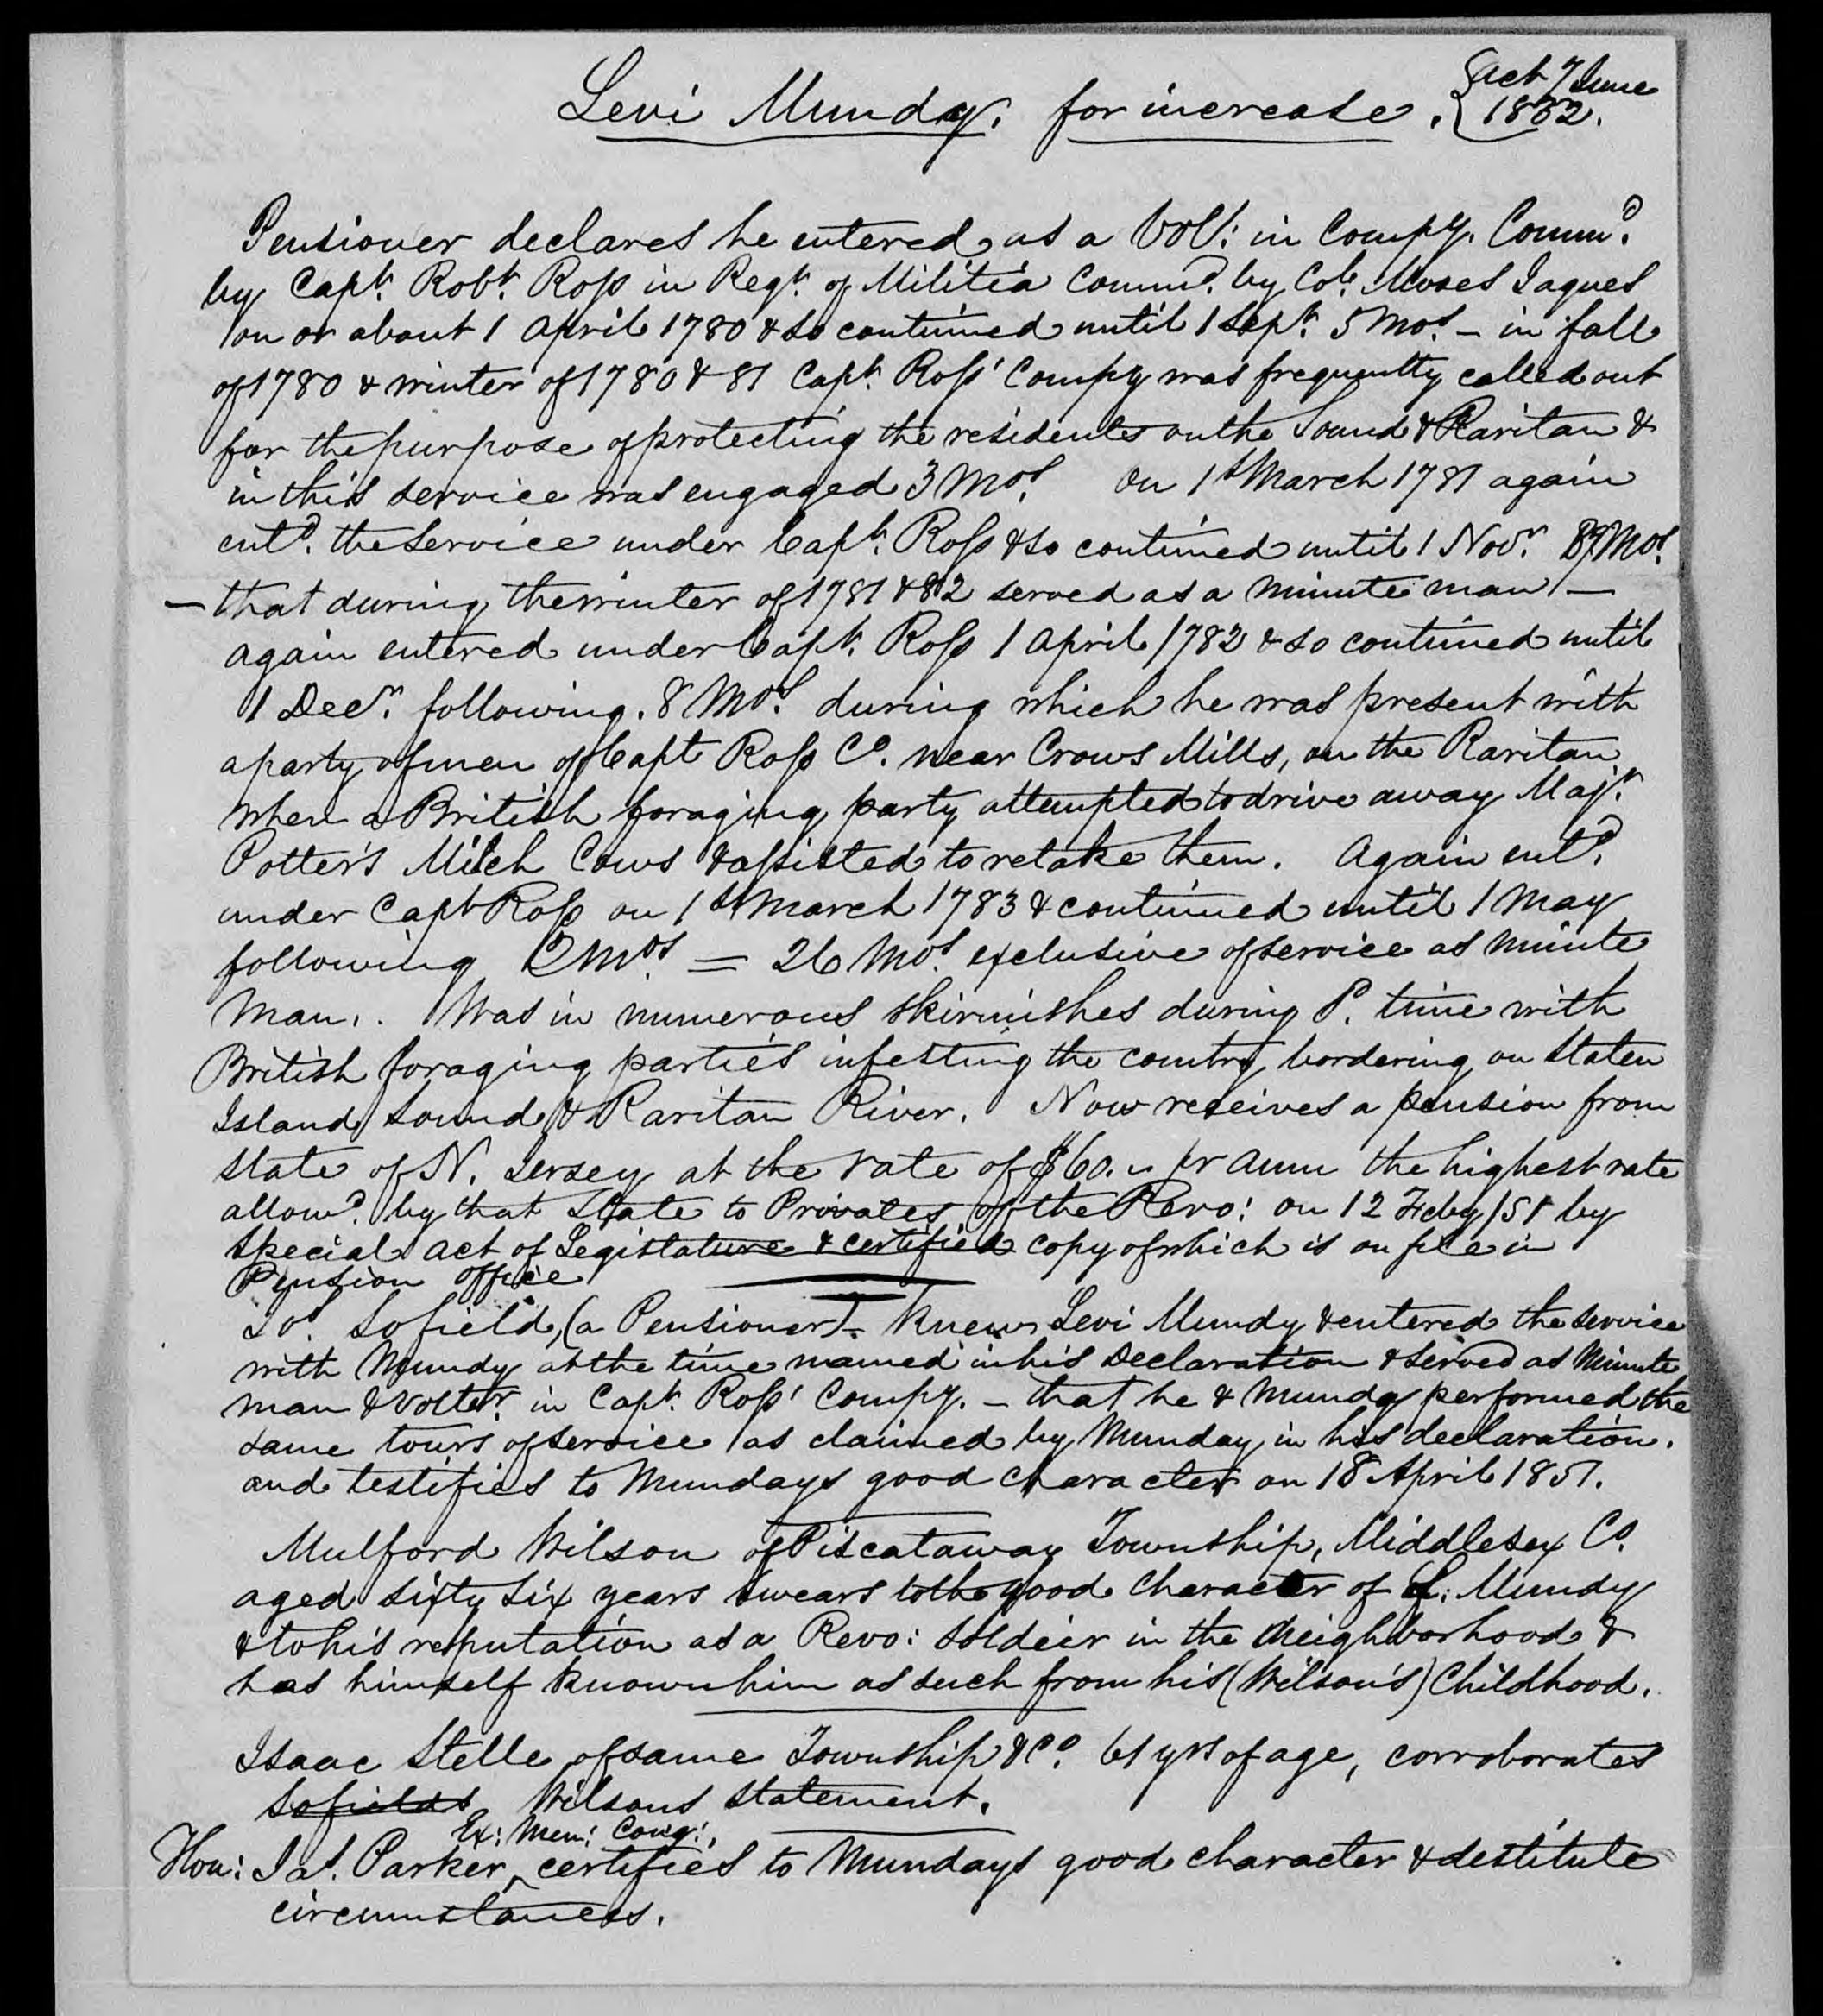Levi Mundy, for increase, {Act 7 June 1832.}

Pensioner declares he entered as a vol(unteer) in company commanded by Capt. Robt Ross in reg(iment) of Militia commanded by Col. Moses Jaques on or about 1 April 1780 & so continued until 1 Sep., 5 mos. in fall of 1780 & winter of 1780 & 81. Capt. Ross' company was frequently called out for the purpose of protecting the residents on the (Staten Island) Sound & Raritan (River) & in this service was engaged 3 mos. On 1st March 1781 again cont(inued) the service under Capt. Ross & so continued until Nov. 8, 9 mos.

That during the winter of 1781 & 2 served as a Minuteman, again entered under Capt. Ross 1 April 1782 & so continued until 1 Dec. following, 8 mos. during which he was present with a party of men of Capt. Ross' co. near Crows Mills, on the Raritan (River), where a British foraging party attempted to drive away Maj. Potter's Milch Cows [i.e. Dairy Cows] & assisted to retake them. Again ent(ered) under Capt. Ross on 1st March 1783 & continued until 1 May following, 2 mos. = 26 mos. exclusive of service as Minuteman. Was in numerous skirmishes during s(aid) time with British foraging parties infesting the country bordering on Staten Island Sound & Raritan River. Now receives a pension from State of N. Jersey at the rate of $60.~ per annum, the highest rate
allowed by that State to Privates of the Revo(lutionary War); On 12 Feb. last by Special Act of Legislature & certified copy of which is on file in
Pension Office.

Jos. Sofield (a Pensioner) knew Levi Mundy & entered the service with Mundy at the time named in his declaration & served as Minuteman & vol(unteer) in Capt. Ross' company. That he & Mundy performed the same tours of service as claimed by Munday in his declaration and testifies to Munday's good character on 18 April 1851.

Mulford Wilson of Piscataway Township, Middlesex Co., aged Sixty six years, swears to the good character of L. Mundy & to his reputation as a Rev(olutionary) Soldier in the neighborhoods & has himself known him as such from his (Wilson's) childhood.

Isaac Stelle of same township & Co., 61 yrs. of age, corroborates [crossed out: Sofield's] Wilson's statement.

Hon. Jas. Parker, ex-mem(ber of) Con(gress), certifies to Munday's good character & destitute circumstances.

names: Mulford Wilson; Isaac Stelle; Robt Ross; Jas Parker; Levi Mundy; Moses Jaques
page: 83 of 95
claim: survivor's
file: S 2889, for Levi Mundy, New Jersey